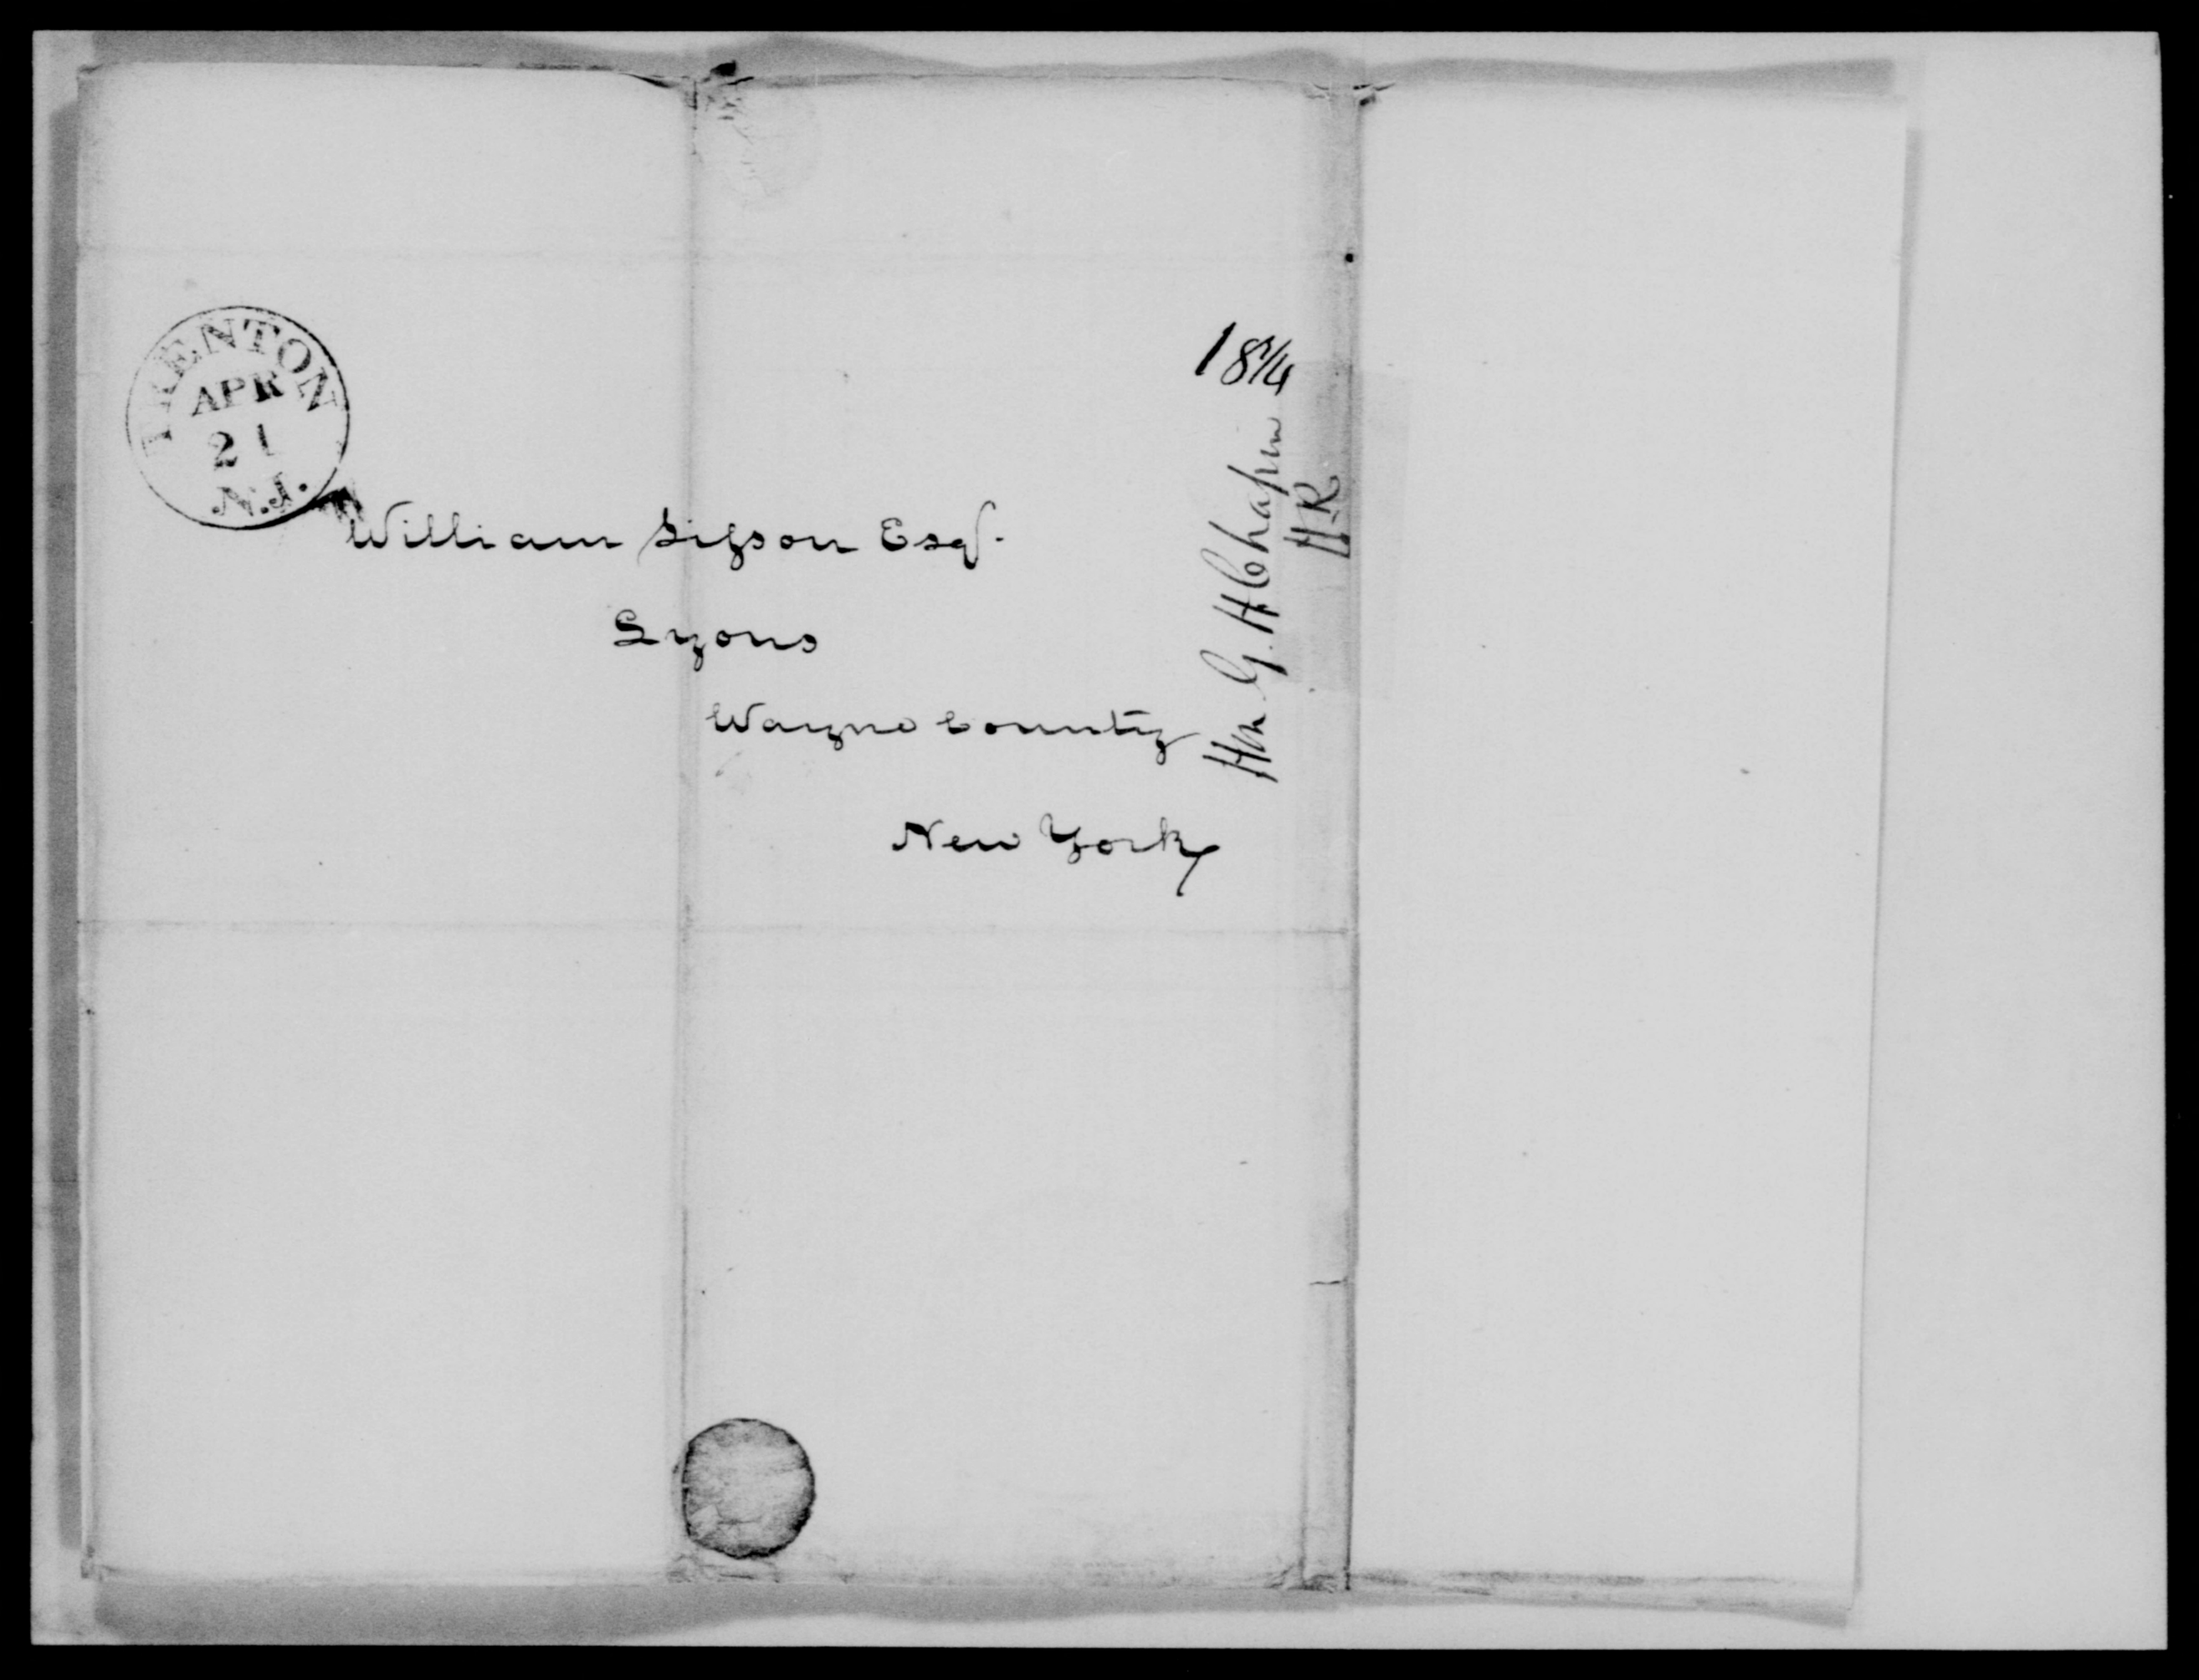[Envelope]
[seal - Trenton N. J. April 21]

William Gibson, Esquire
Lyons
Wayne County
New York

1844
Honorable G. H. Chapin,  H. R.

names: William Sisson, G H Chapin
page: 64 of 66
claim: widow's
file: W. 19588, William Walling, New Jersey